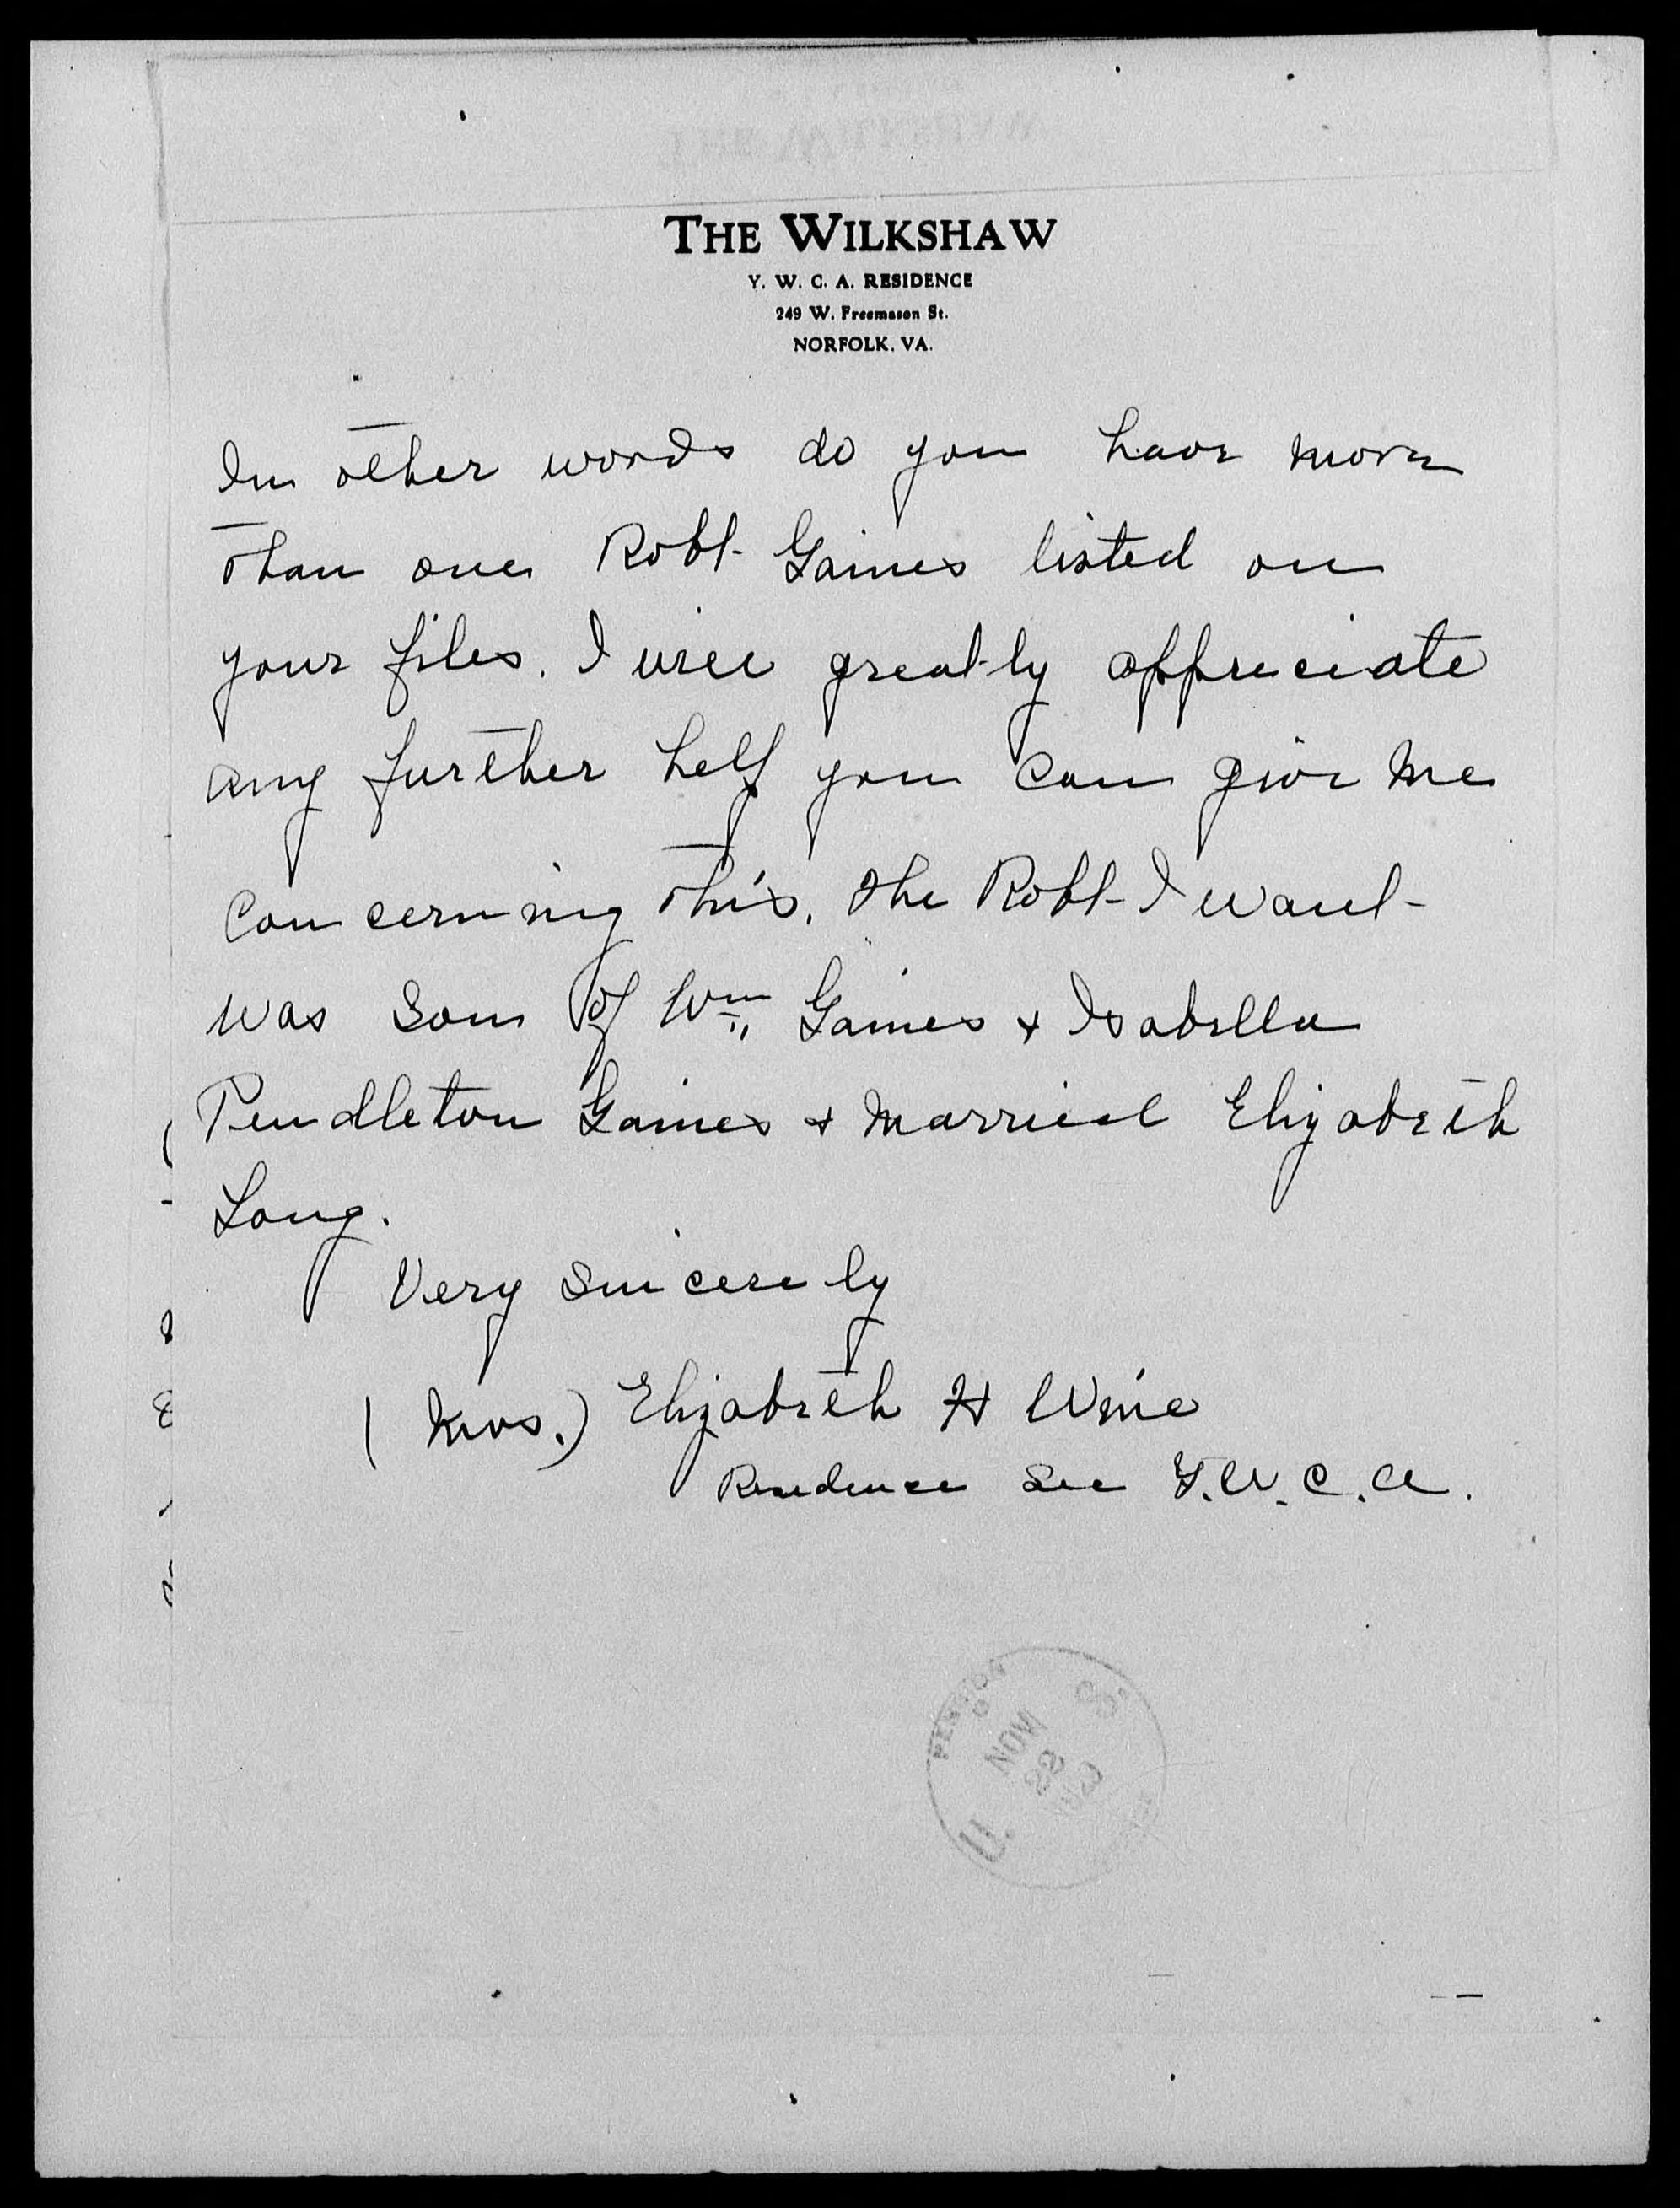THE WILKSHAW
Y. W. C. A. RESIDENCE
249 W. Freemason St.
NORFOLK, VA.
THE WILKSHAW
Y.
W. C. A. RESIDENCE
249 W. Freemason St.
NORFOLK, VA.
In other words do you have more
than one Robt Gaines listed on
your files. I will greatly appreciate
any further help you can give me
concerning this. The Robt I want
was Son of Wm Gaines & Isabella
Pendleton Gaines & Married Elizabeth
Long.
Very sincerely
(Mrs.) Elizabeth H Wine
Residence Lee G.C.

U. S. PENSION OFFICE
NOV
22
1929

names: Elizabeth H Wine, Robt, Elizabeth Long, Robt Gaines, Isabella Pendleton Gaines, Wm Gaines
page: 40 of 79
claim: rejected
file: R. 3863, Robert Gaines, Va.